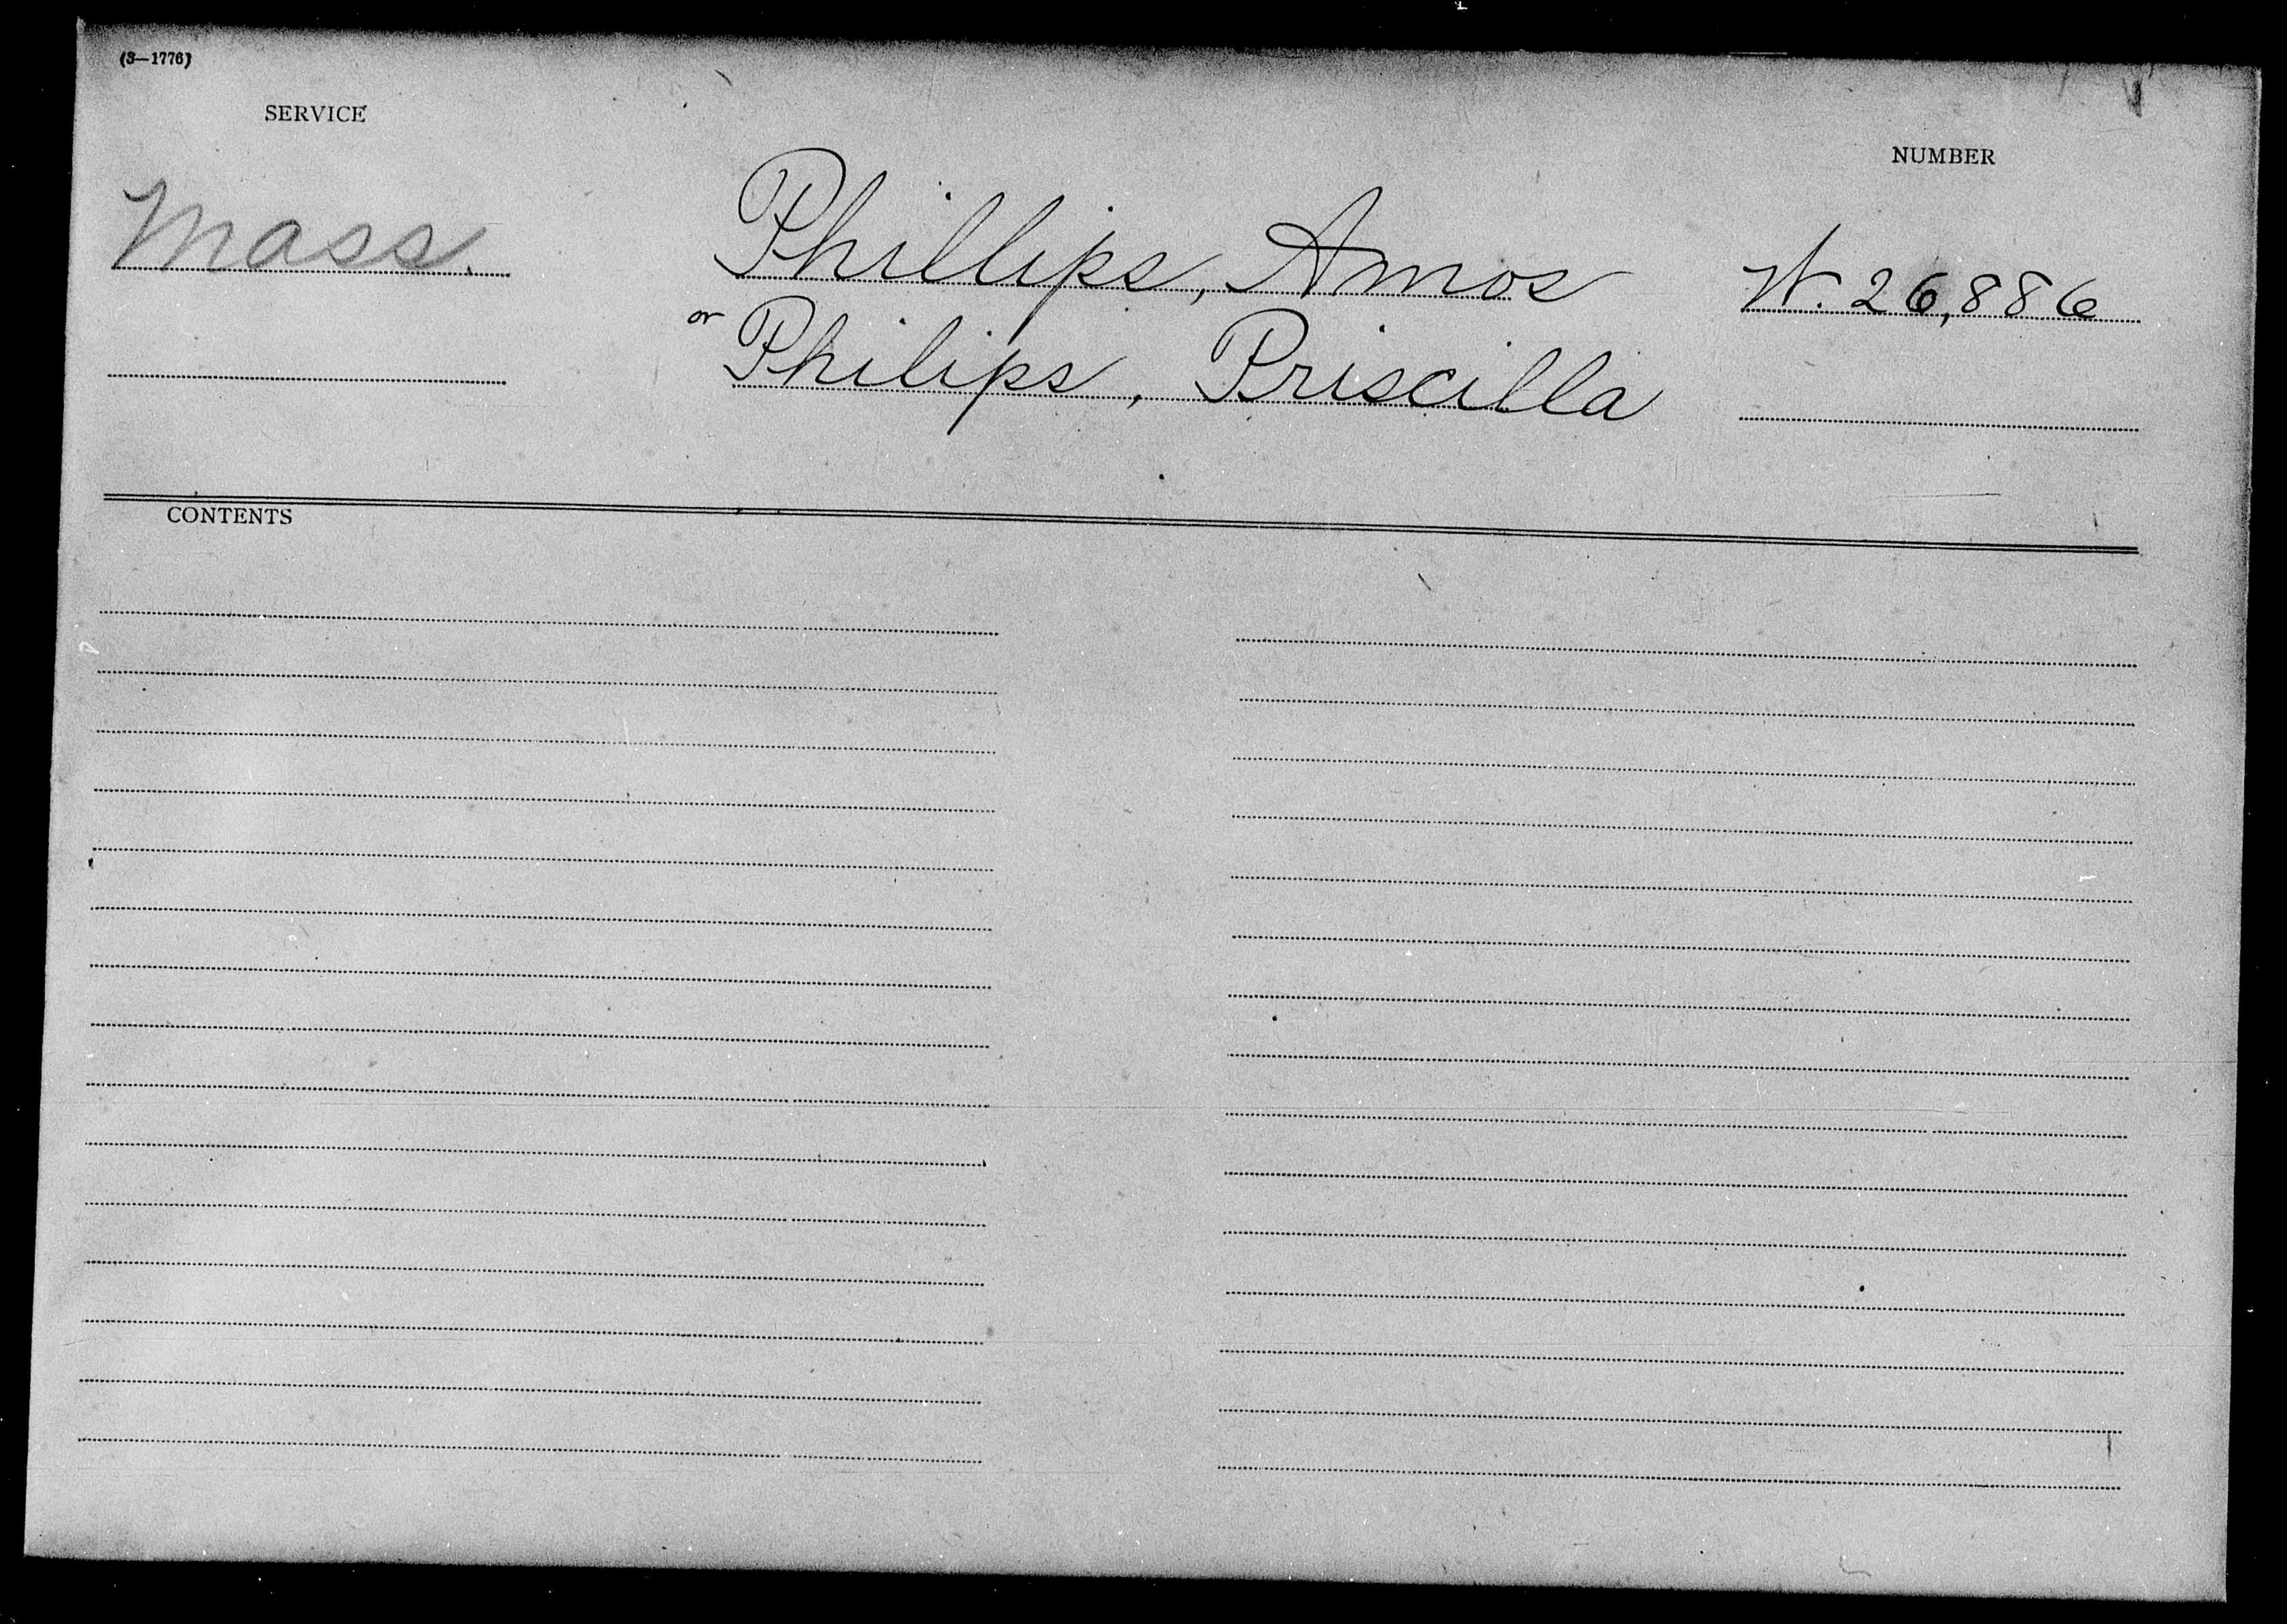SERVICE Mass. Phillips, Amos or Philips, Priscilla
NUMBER W. 26,886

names: Amos Philips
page: 1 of 26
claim: widow's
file: W. 26,886, for Amos Phillips, Massachusetts